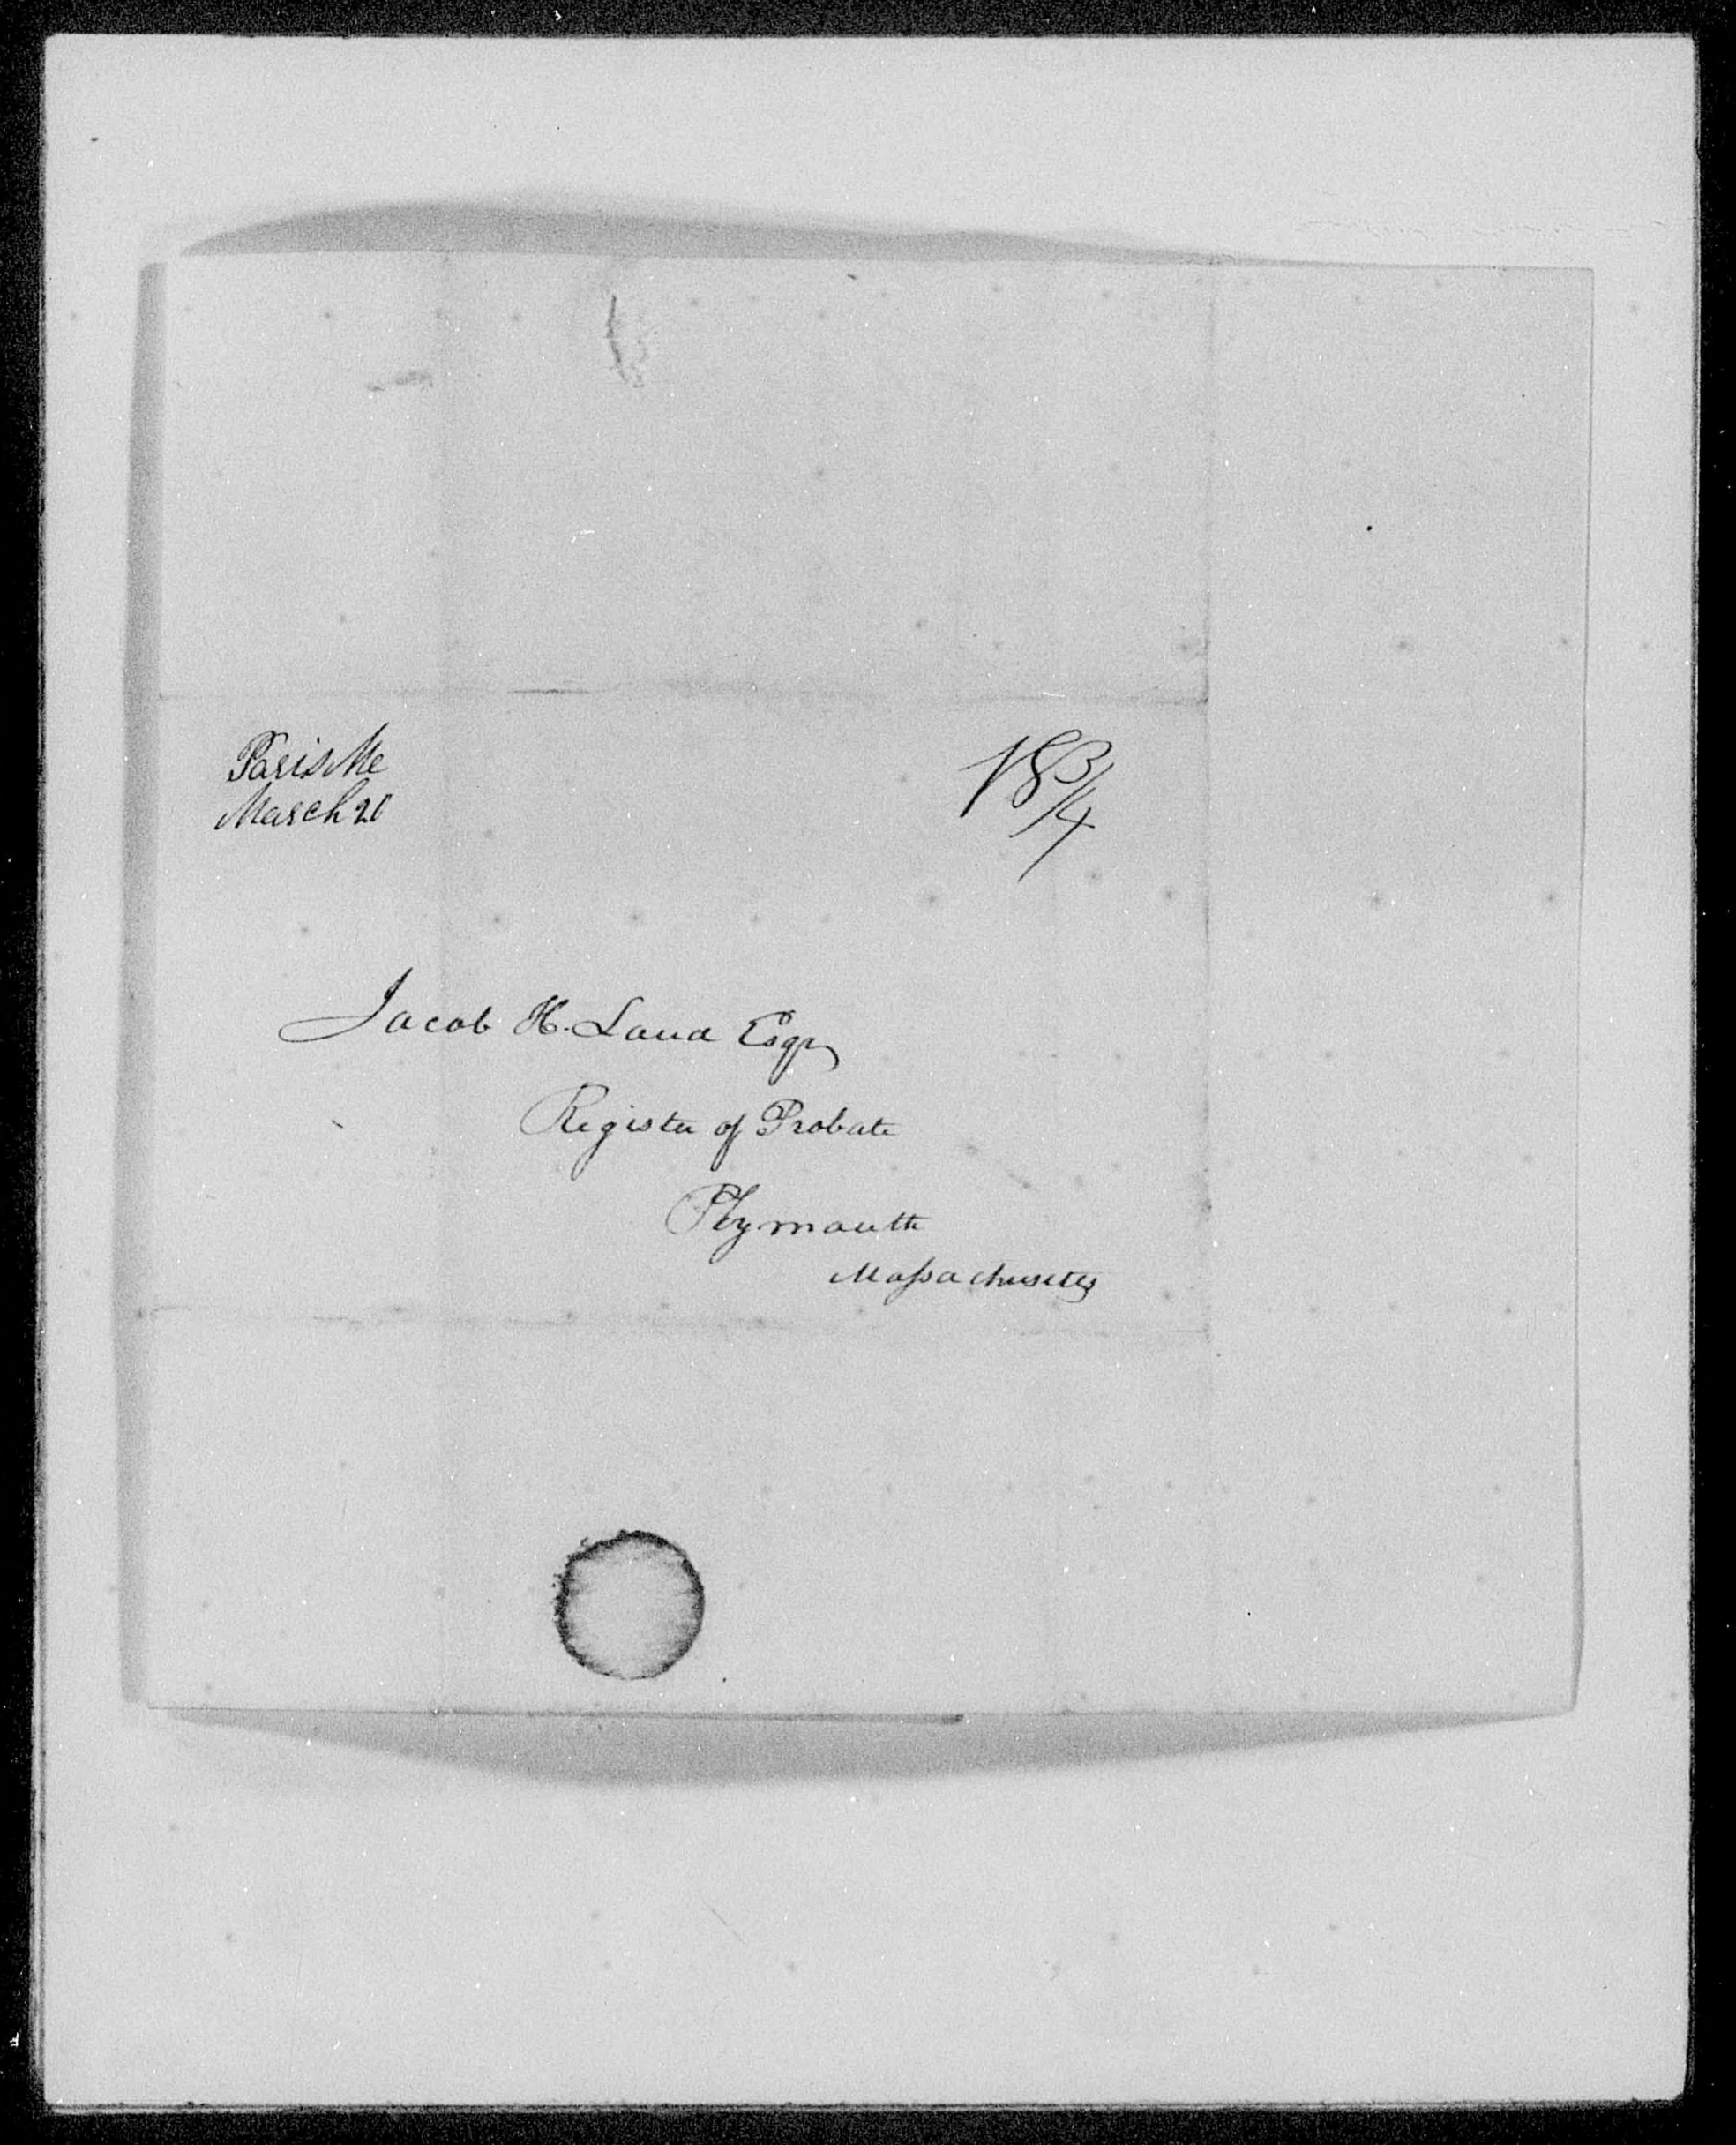(Paris(illegible)
March 20
Jacob H. Laud Esq.
Register of Probate
Plymouth
Massachusetts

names: Jacob H Loud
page: 21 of 47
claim: widow's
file: W. 14703, Elisha Faxon, Mass